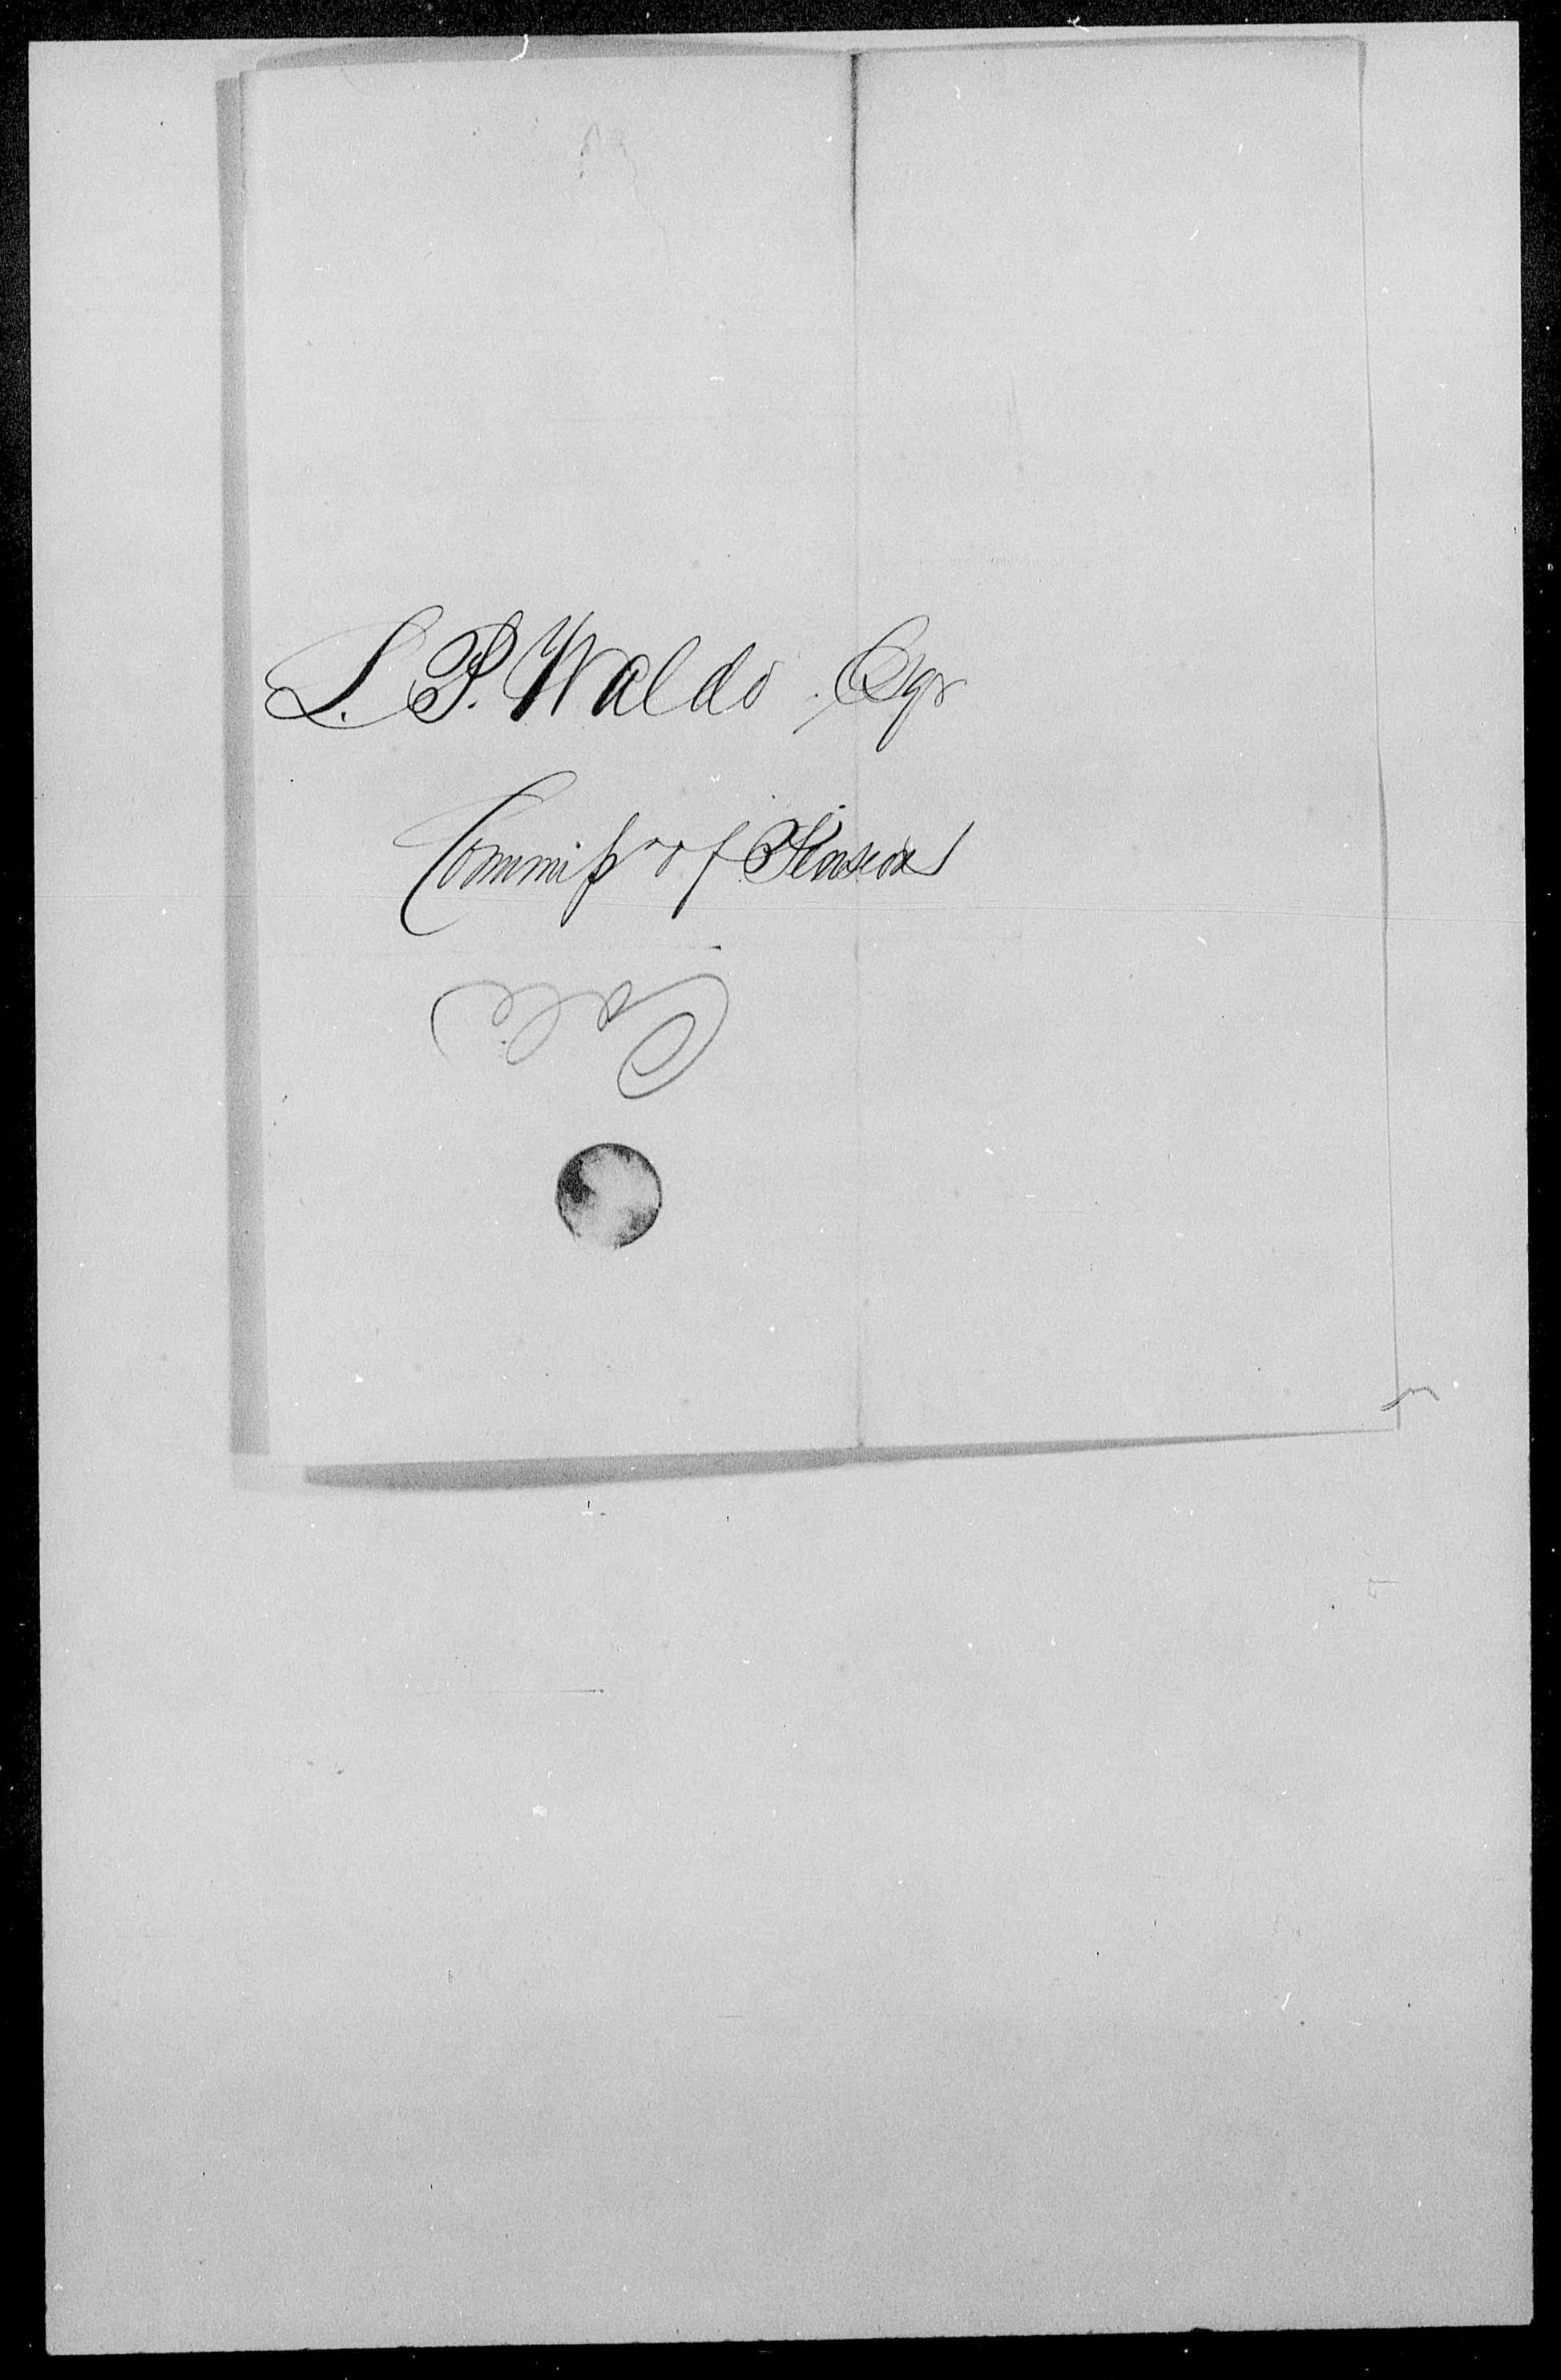L.P. Waldo Esq. 
Commissioner of Pensions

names: L P Waldo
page: 33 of 42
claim: rejected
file: R. 2,625, Benjamin Dake, R.I.